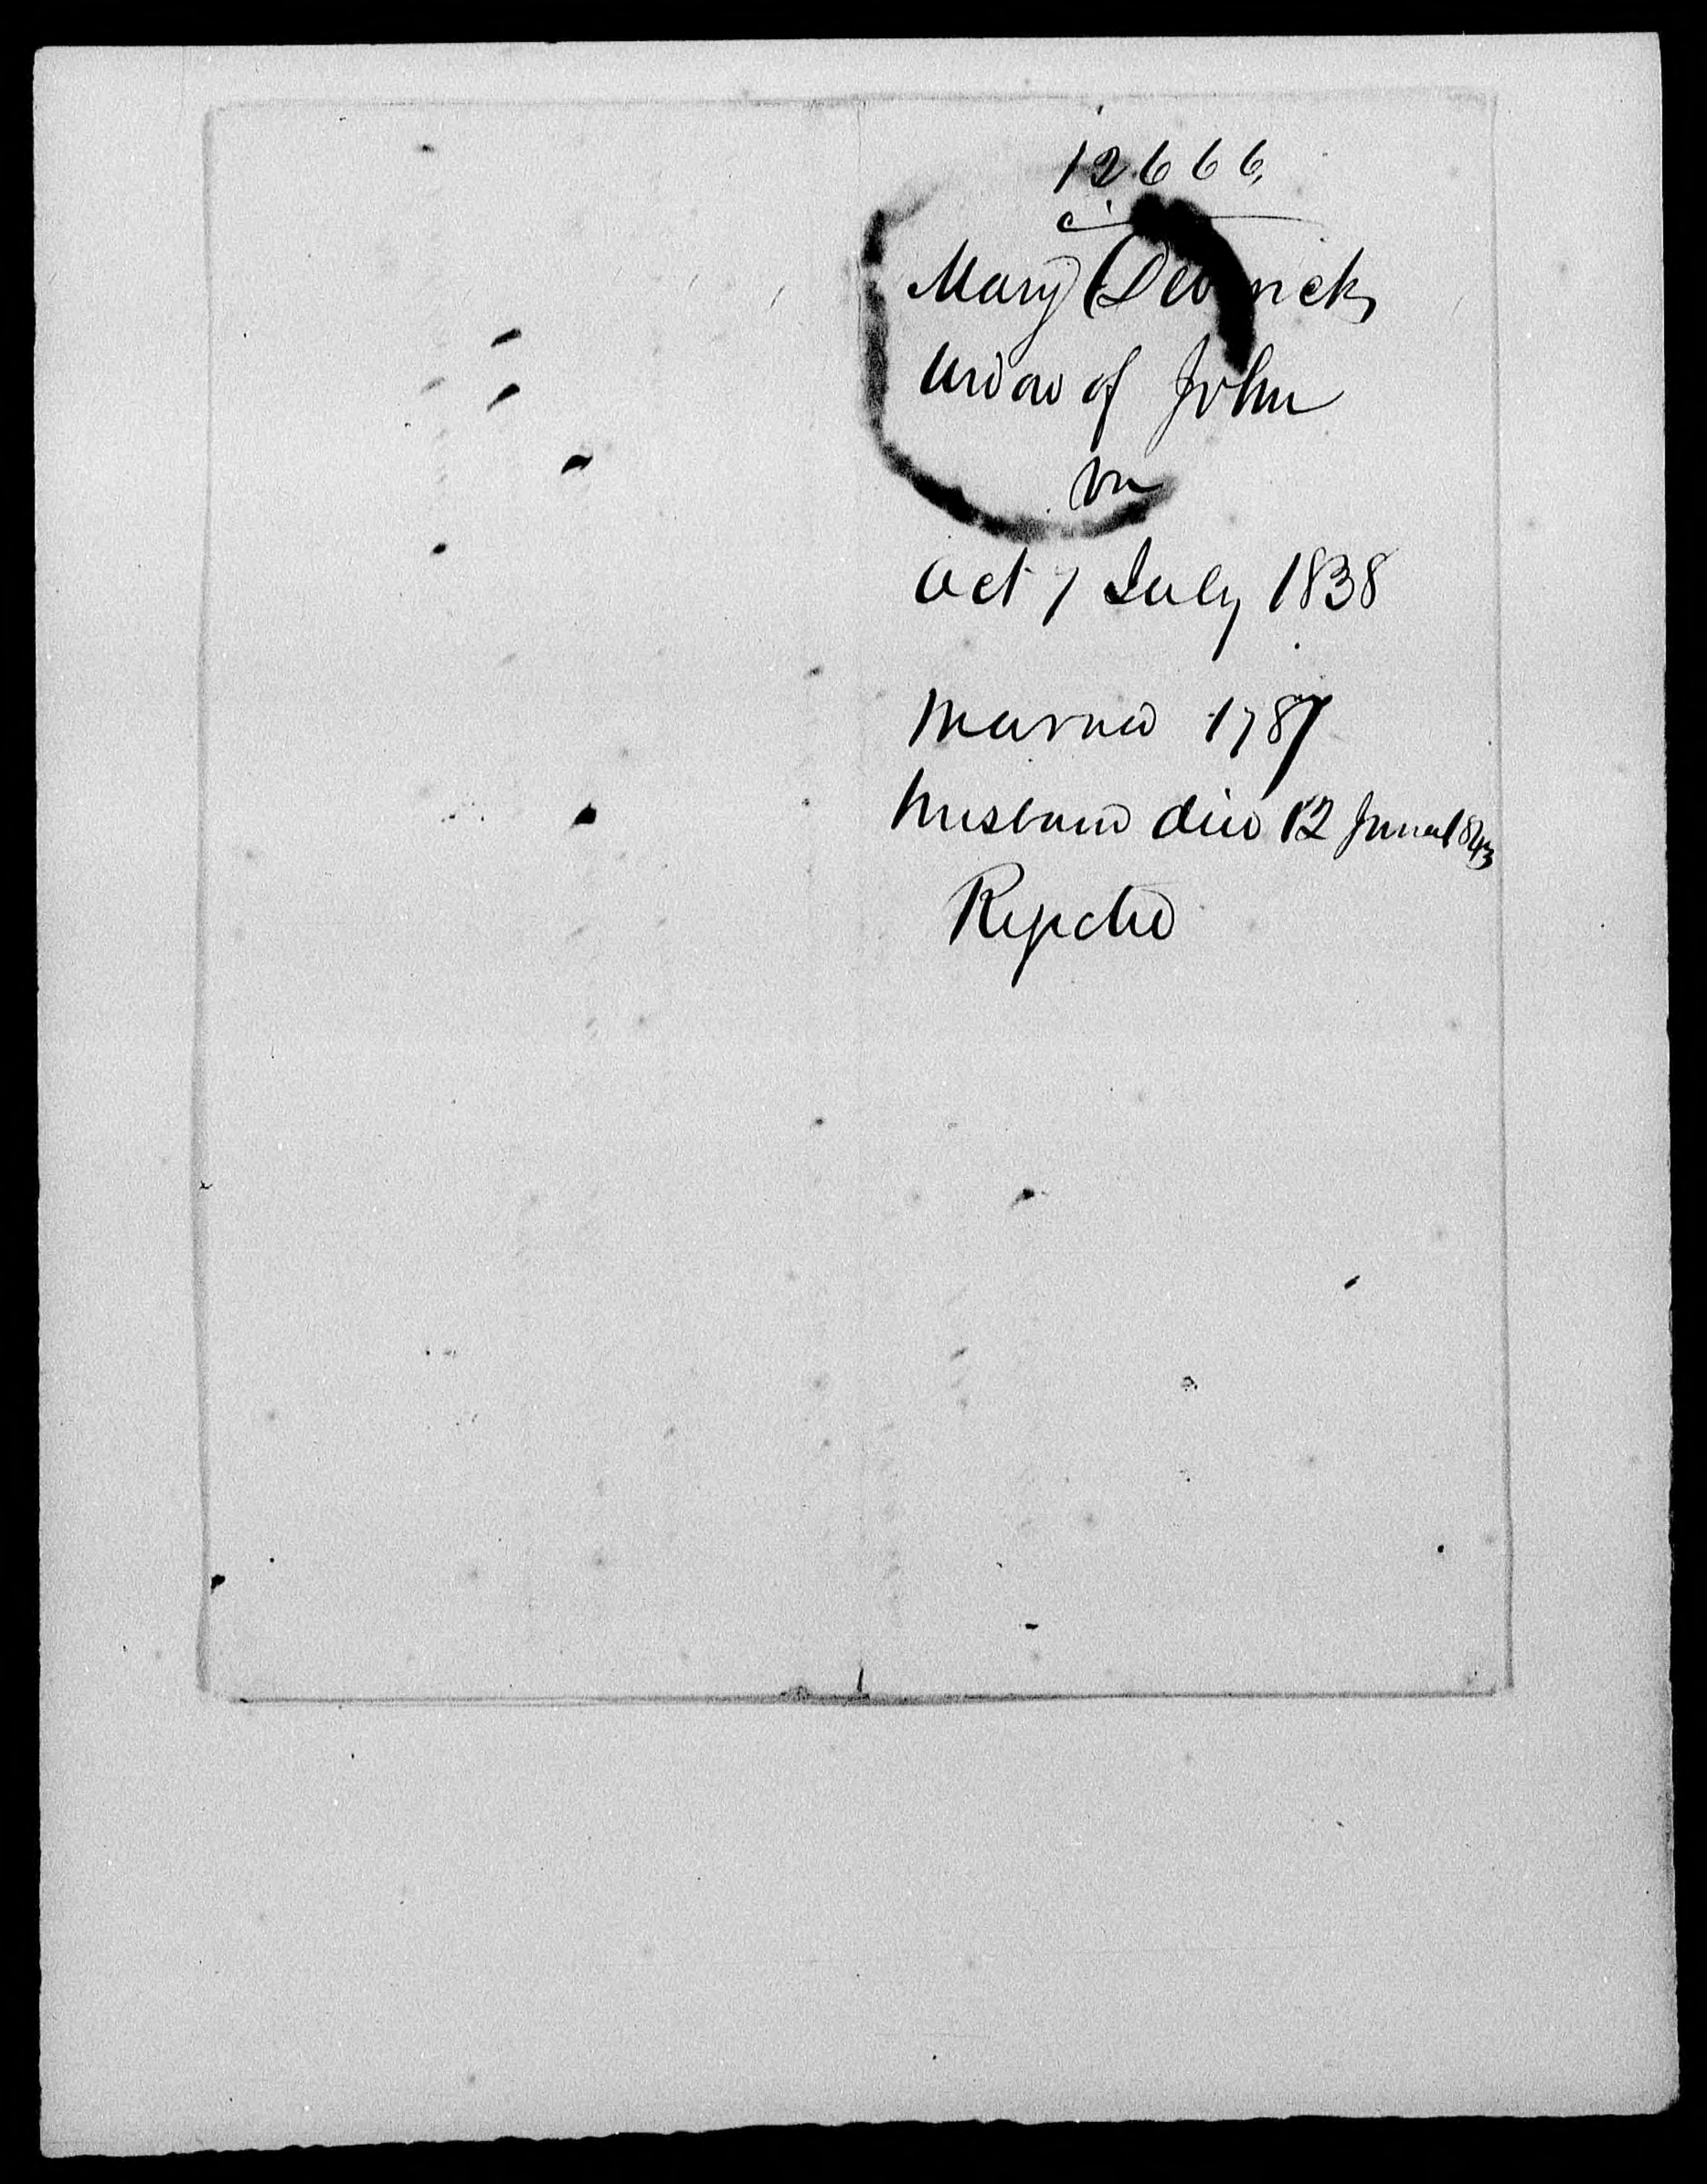12666
Mary Deverick
widow of John
Va
Act 7 July 1838

Married 1787
husband died 12 June[?] 1843
Rejected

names: Mary Devericks, John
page: 25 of 35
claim: widow's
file: W 7007, John Devericks, Va.